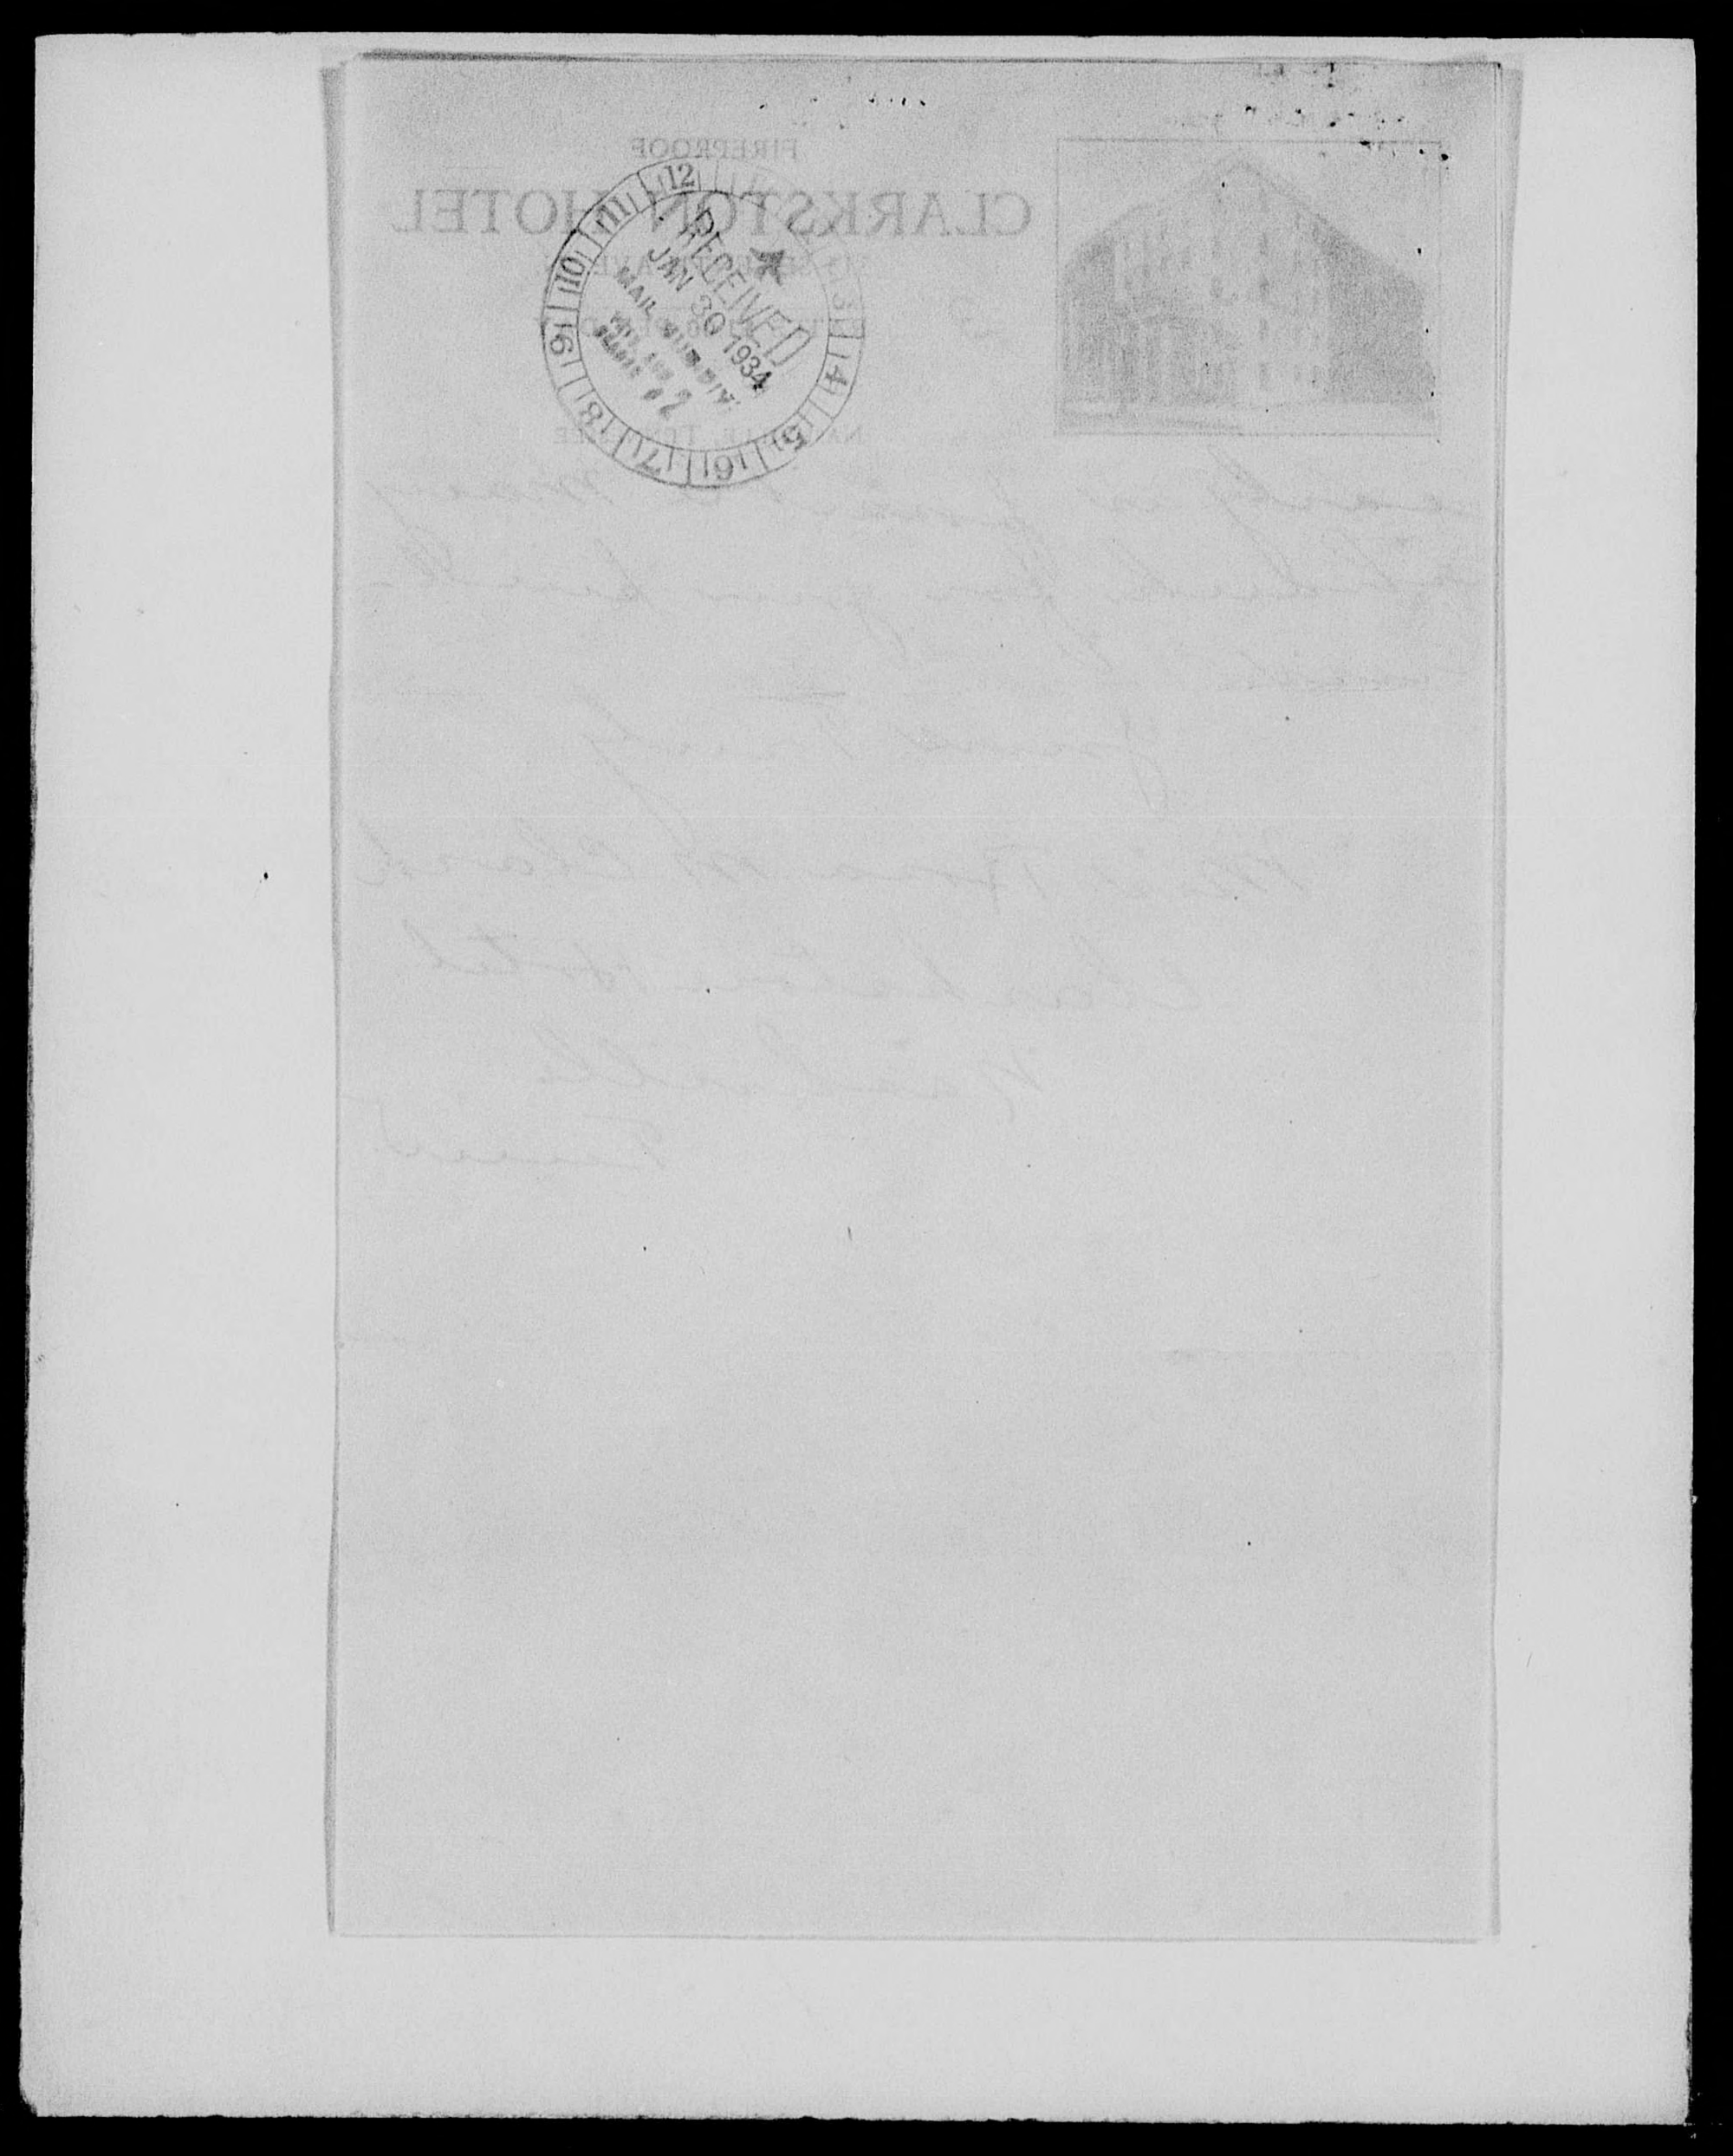[back side of letter on Clarkston Hotel stationary]
[stamped]
Received
Jan 30 1934
Mail [illegible]
[remainder illegible]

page: 49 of 144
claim: rejected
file: R. 5208, Dennis Hopkins, N.C.